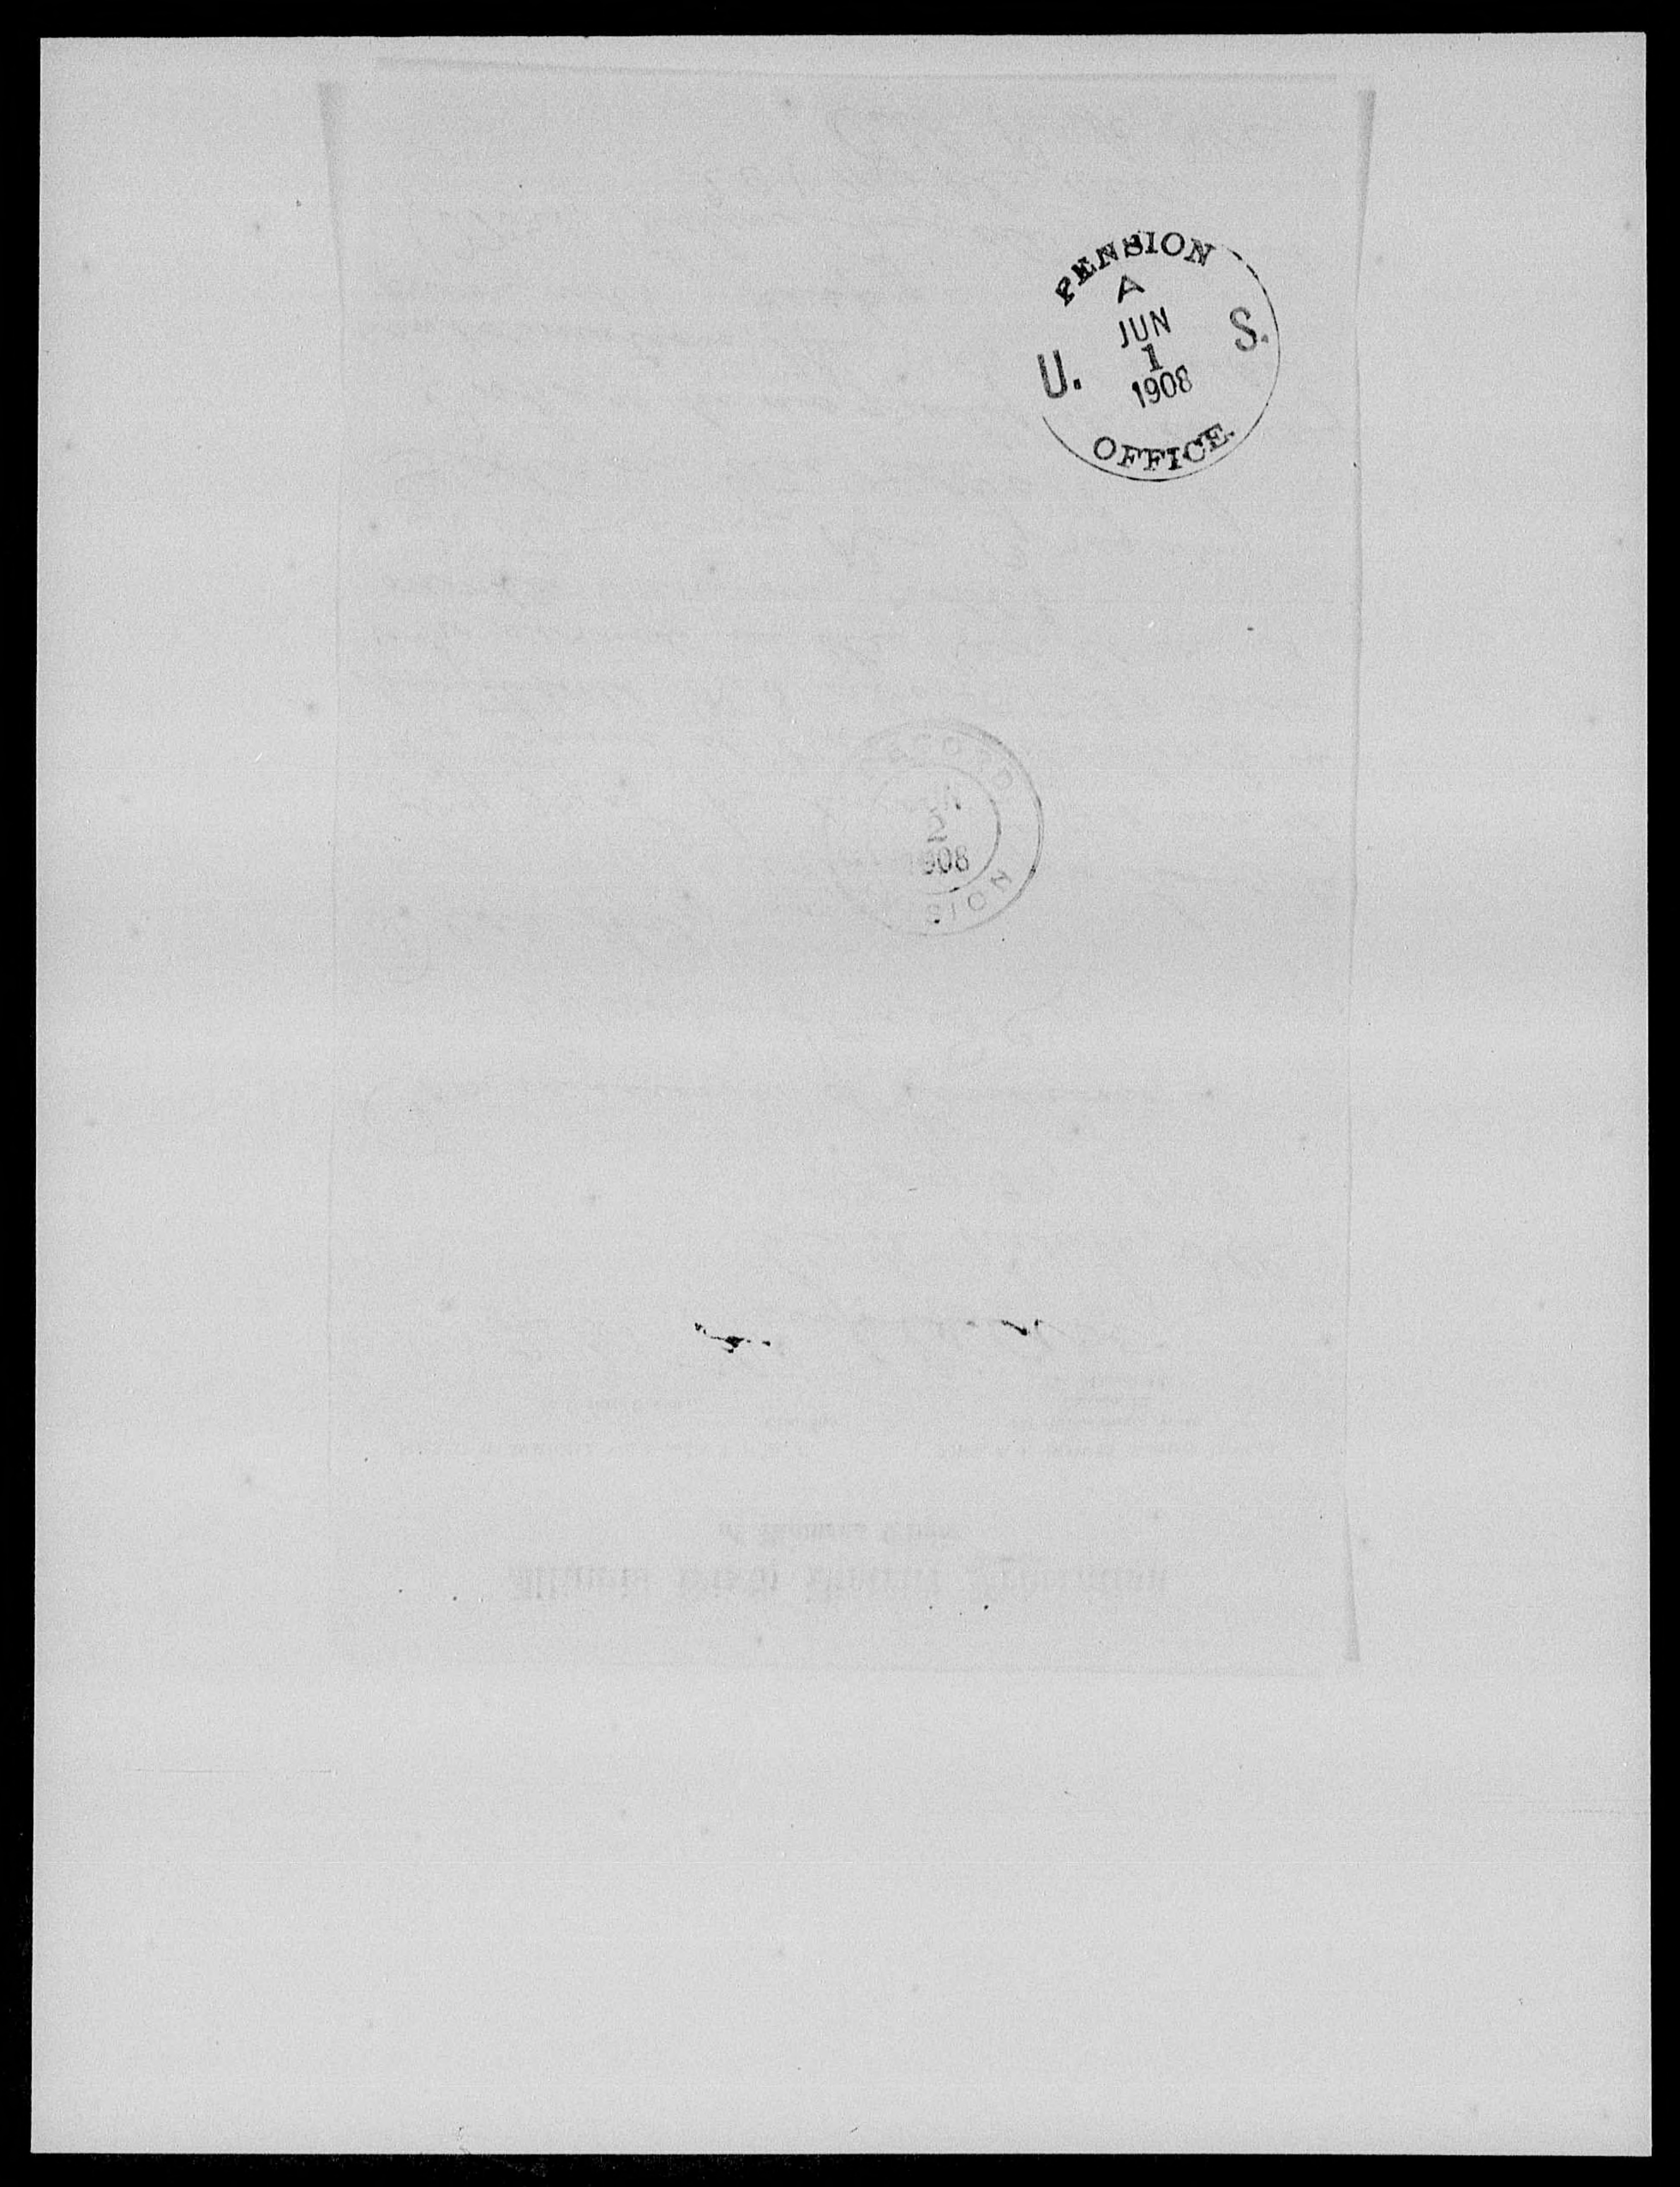[Stamped]:
PENSION U. S. OFFICE.
A
JUN 1 1908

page: 15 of 35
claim: survivor's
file: S. 18374, Nathan Dexter, R.I.